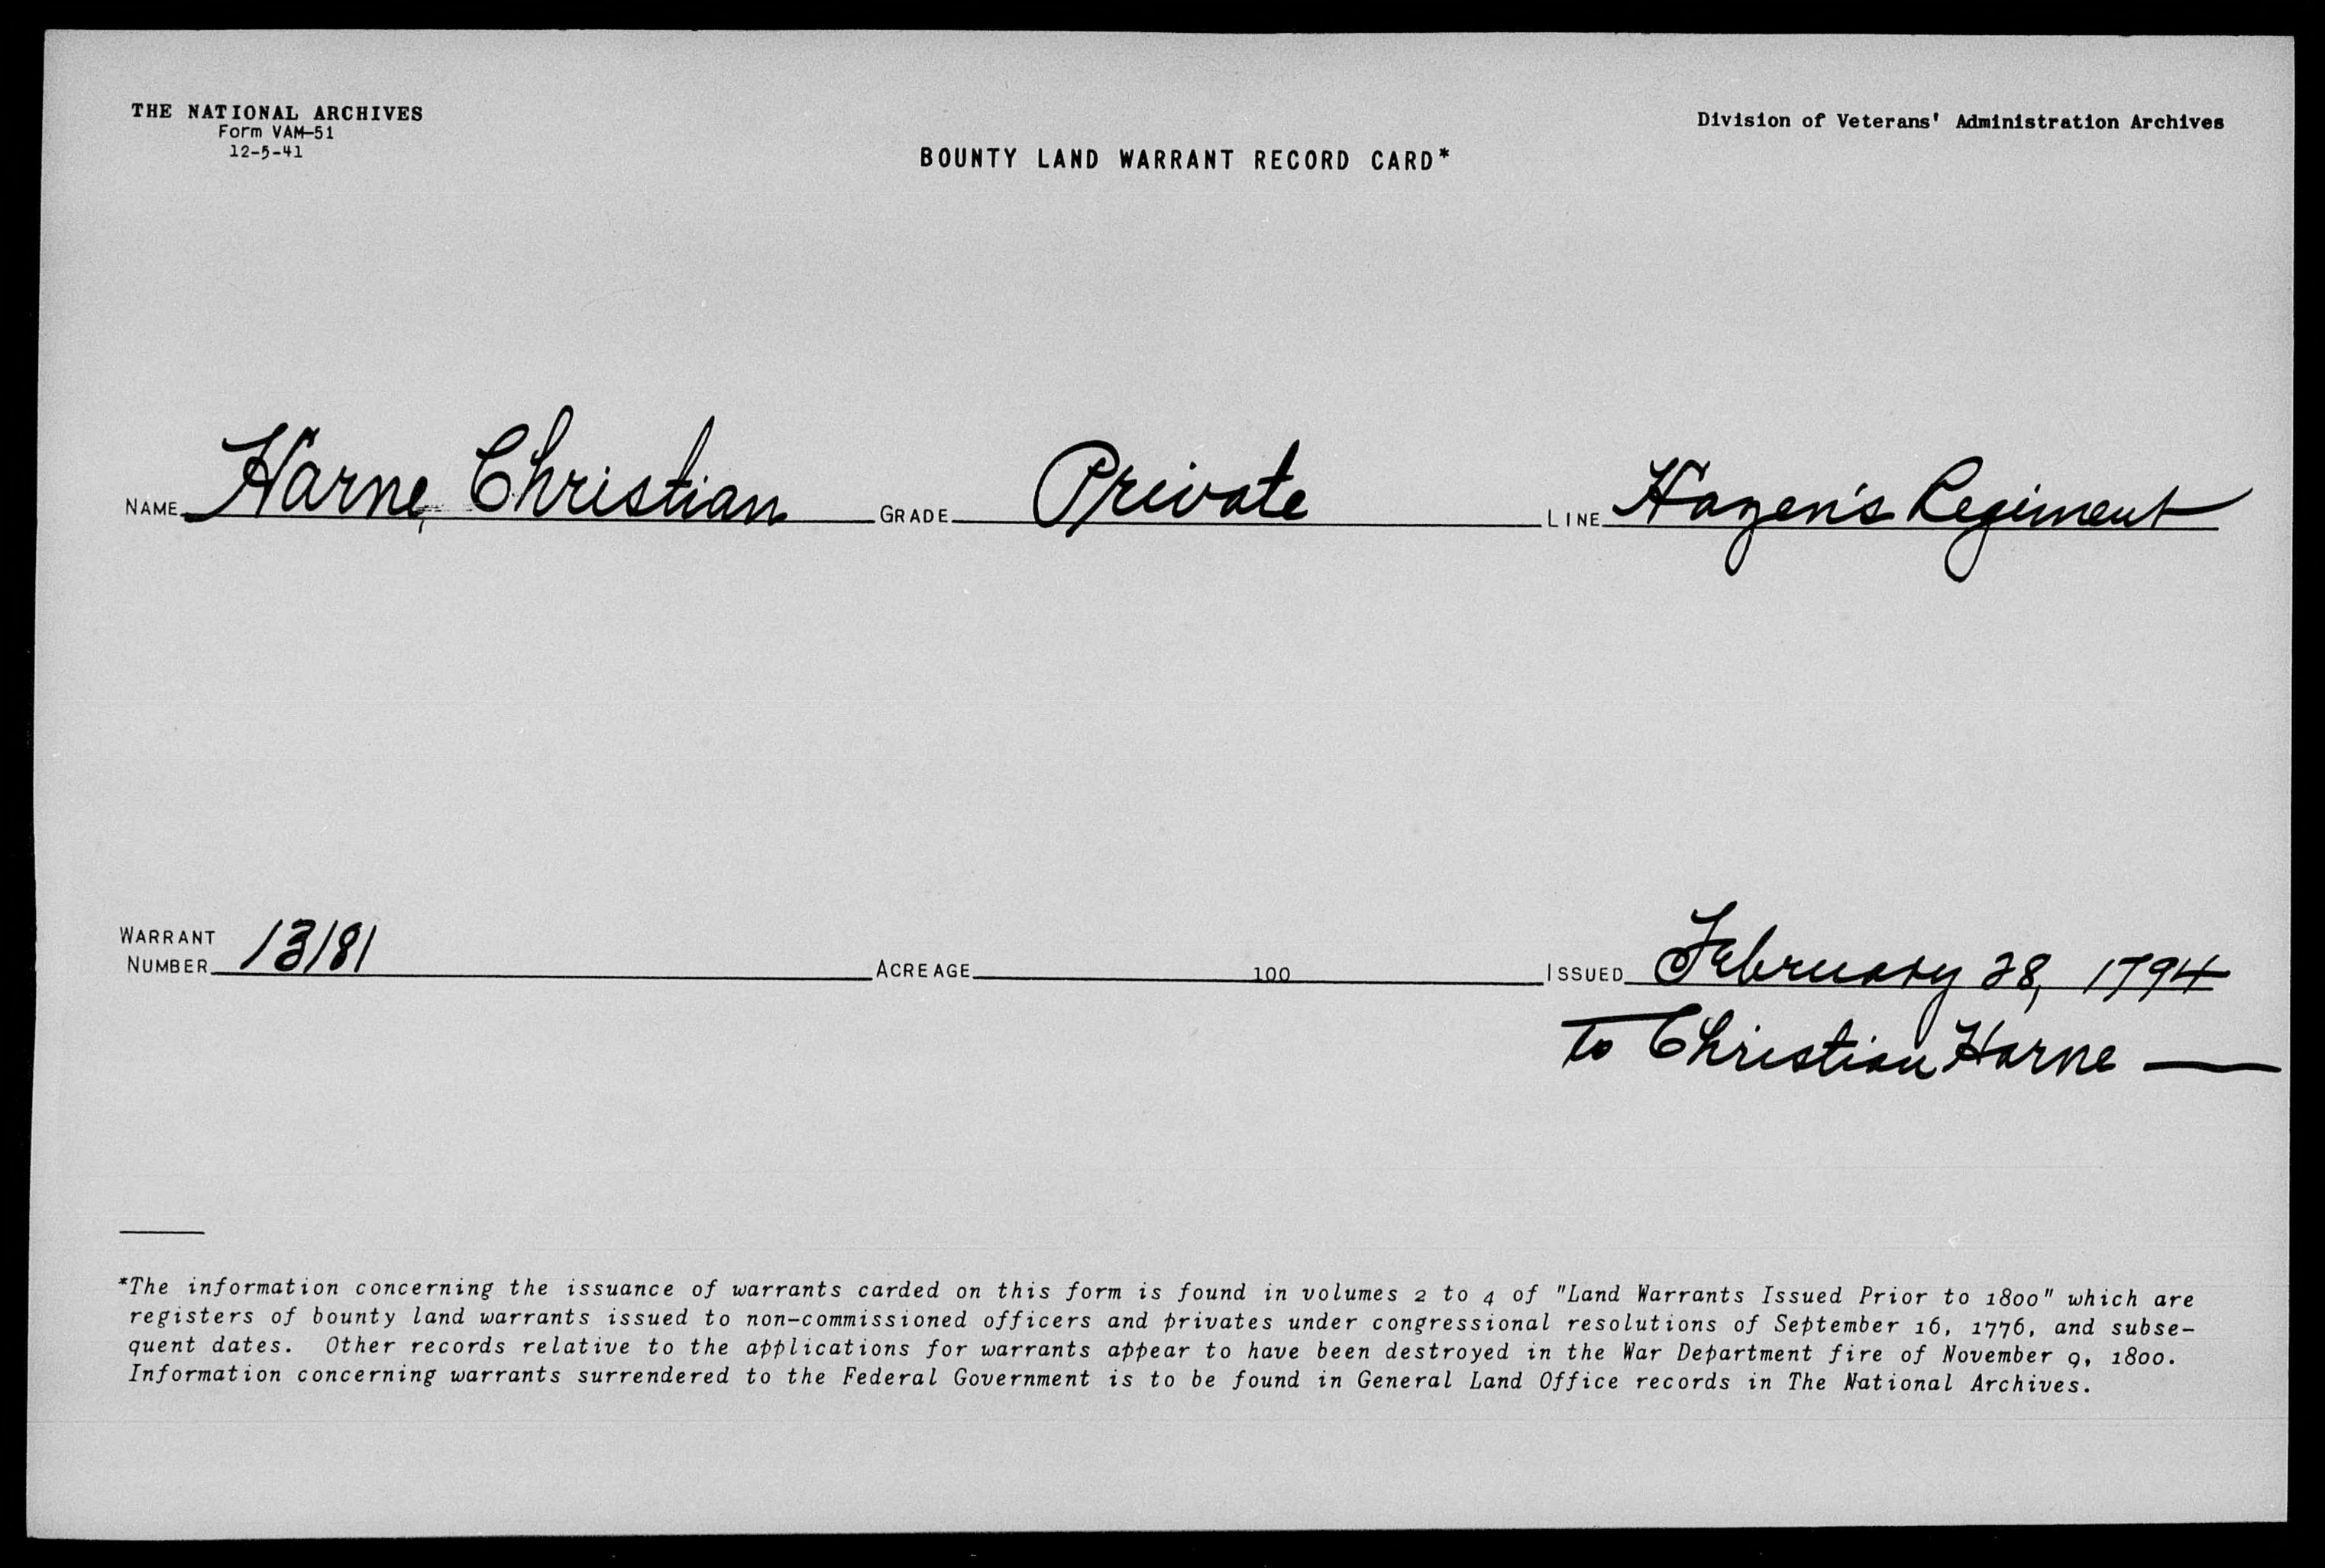NAME Harne, Christian GRADE Private LINE Hazen's Regiment
WARRANT NUMBER 13181
ACREAGE 100
ISSUED February 28, 1794 to Christian Harne
*The information concerning the issuance of warrants carded on this form is found in volume 2 to 4 of "land warrants Issued Prior to 1800" which are registers of bounty land warrants issued to non-commissioned officers and privates under congressional resolutions of September 16, 1776, and subsequent dates. Other records relative to the applications fro warrants appears to have been destroyed in the War department fire of November 9, 1800. Information concerning warrants surrendered to the Federal Government is to be found in General Land Office records in The National Archives.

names: Christian Harne, Christian Harne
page: 10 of 10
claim: survivor's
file: S. 29,195, Richard Harnden, Mass.